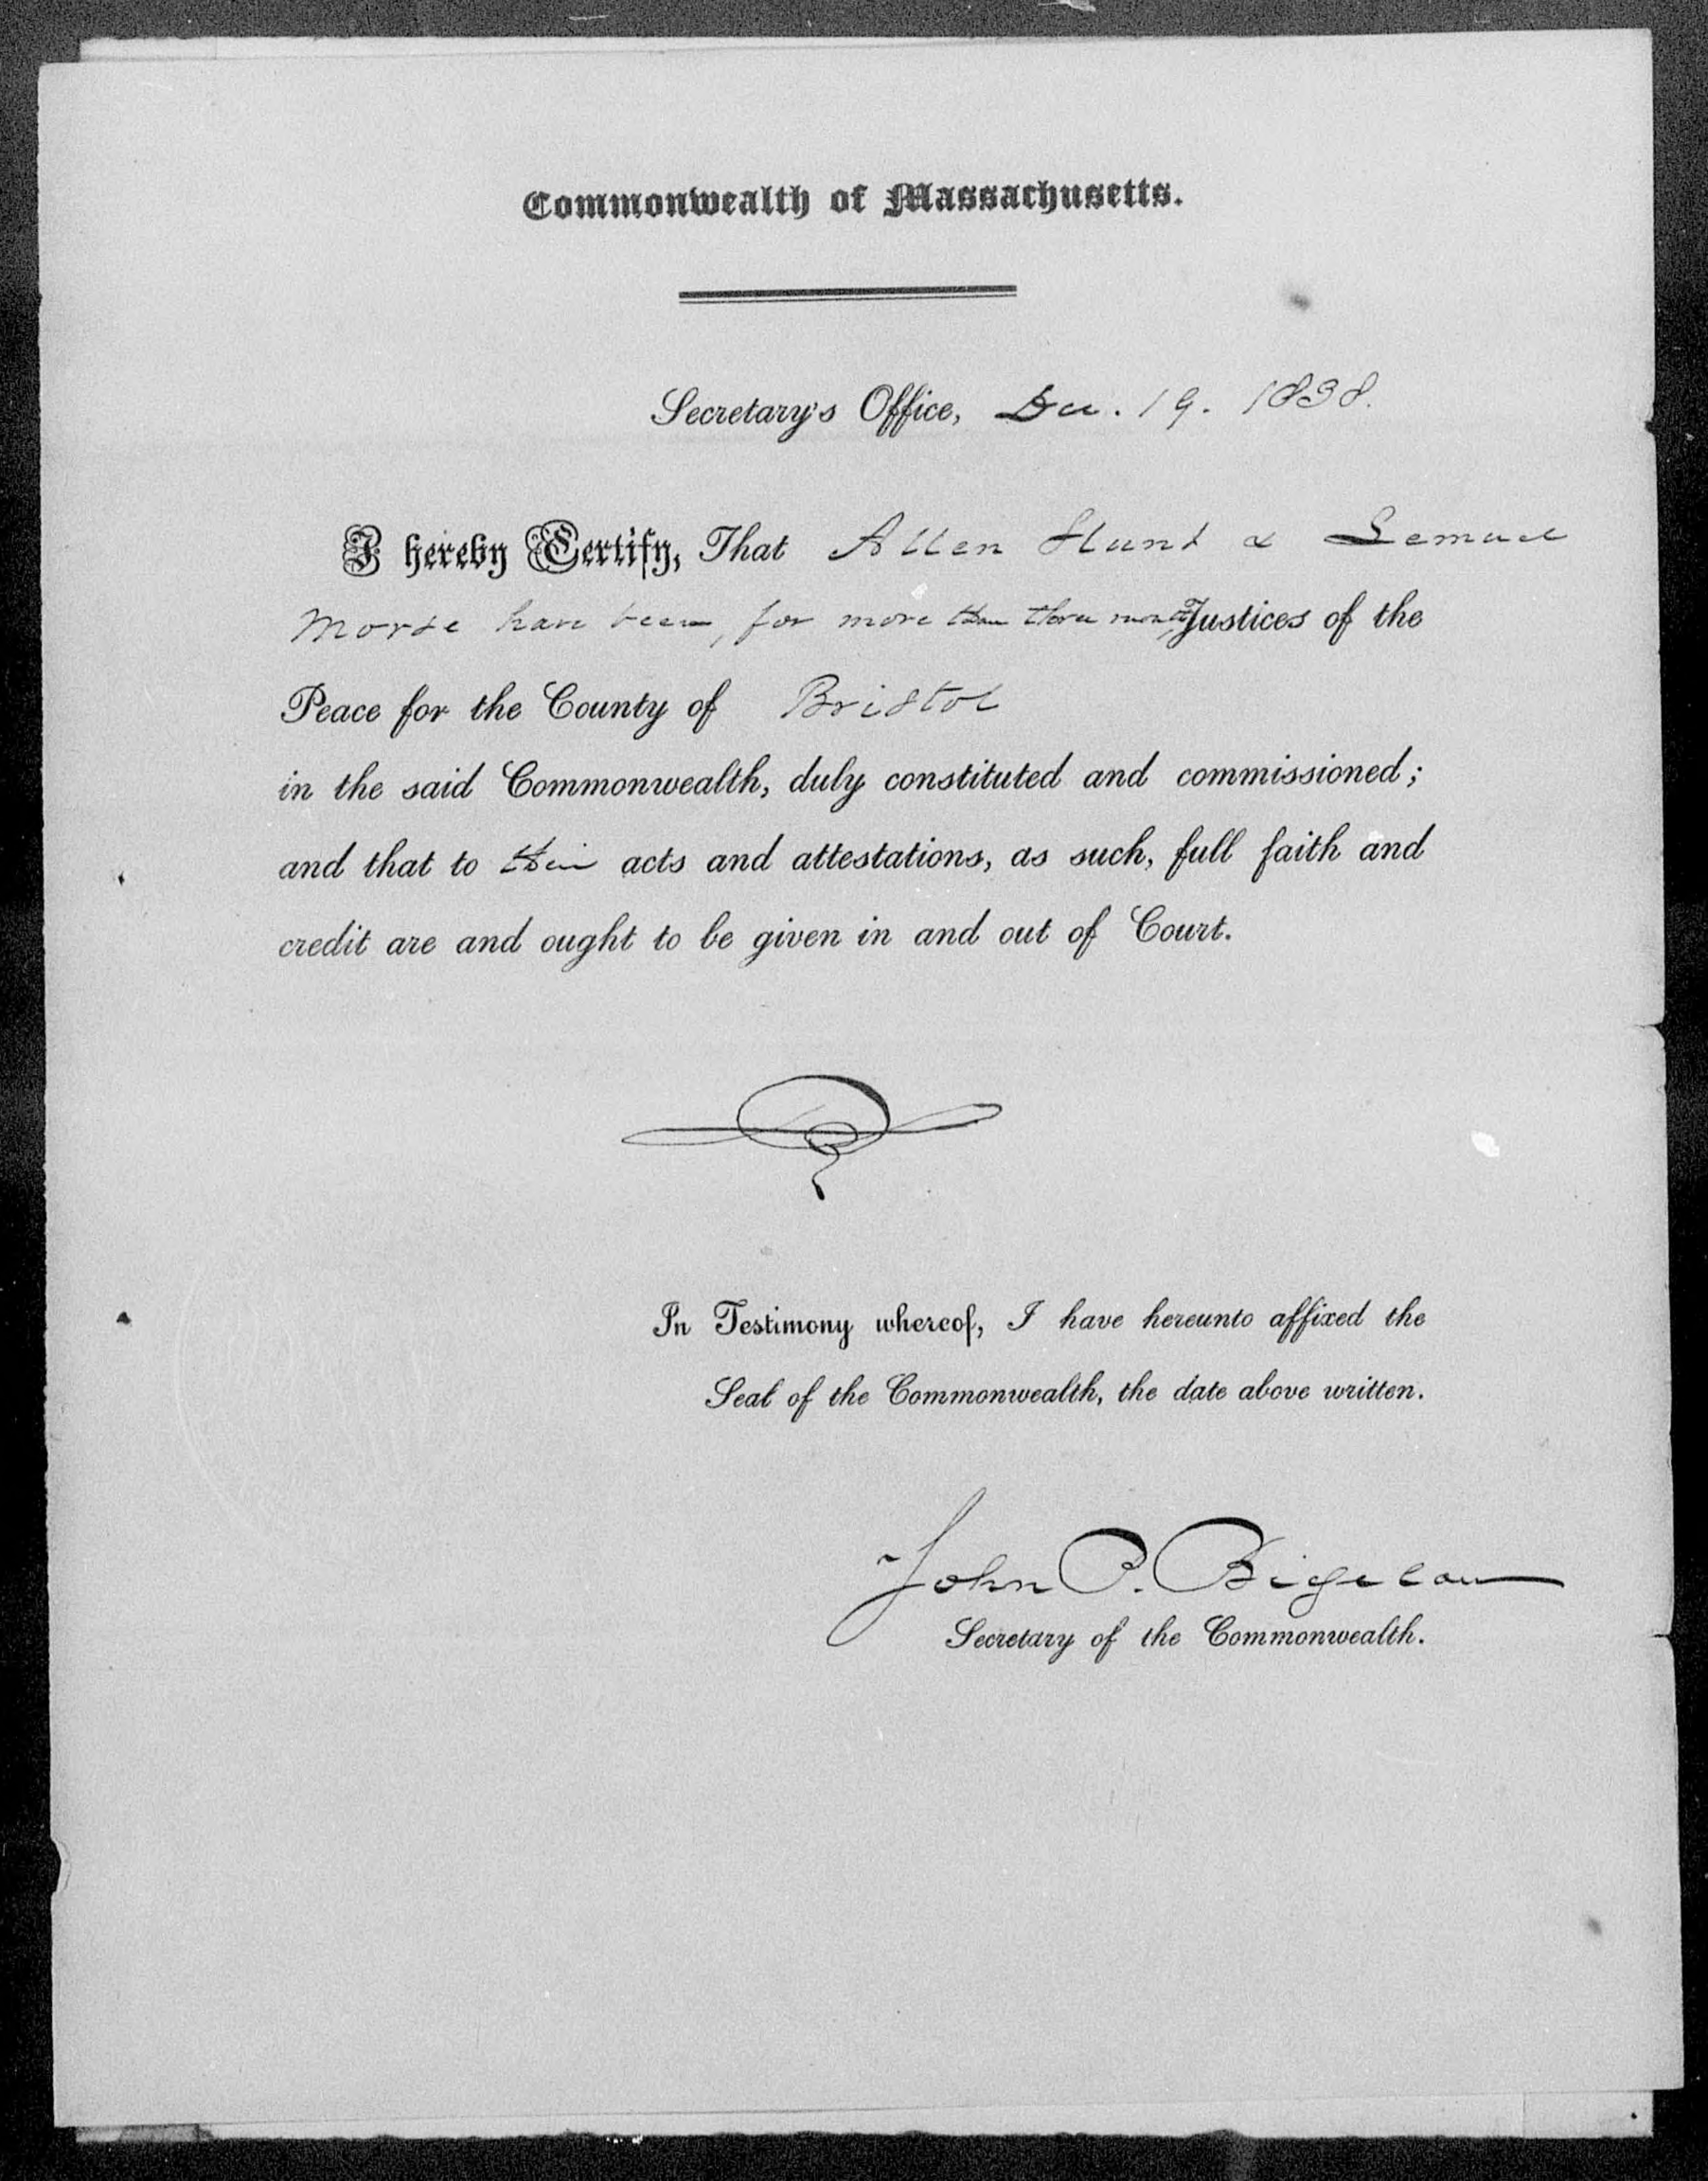Commonwealth of Massachusetts.

Secretary's Office, Dec. 19. 1838.

I hereby Certify, That Allen Hunt & Samuel
Morse have been for more than three months,  Justices of the Peace for the County of Bristol
in the said Commonwealth, duly constituted and commissioned; and that to their acts and attestations, as such, full faith and credit are and ought to be given in and out of Court.

In Testimony whereof, I have hereunto affixed the
Seal of the Commonwealth, the date above written.
John P. Bigelow
Secretary of the Commonwealth.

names: Samuel Morse, Allen Hunt, John P Bigelow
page: 39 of 67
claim: widow's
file: W. 23772, James Campbell, Continental Mass.